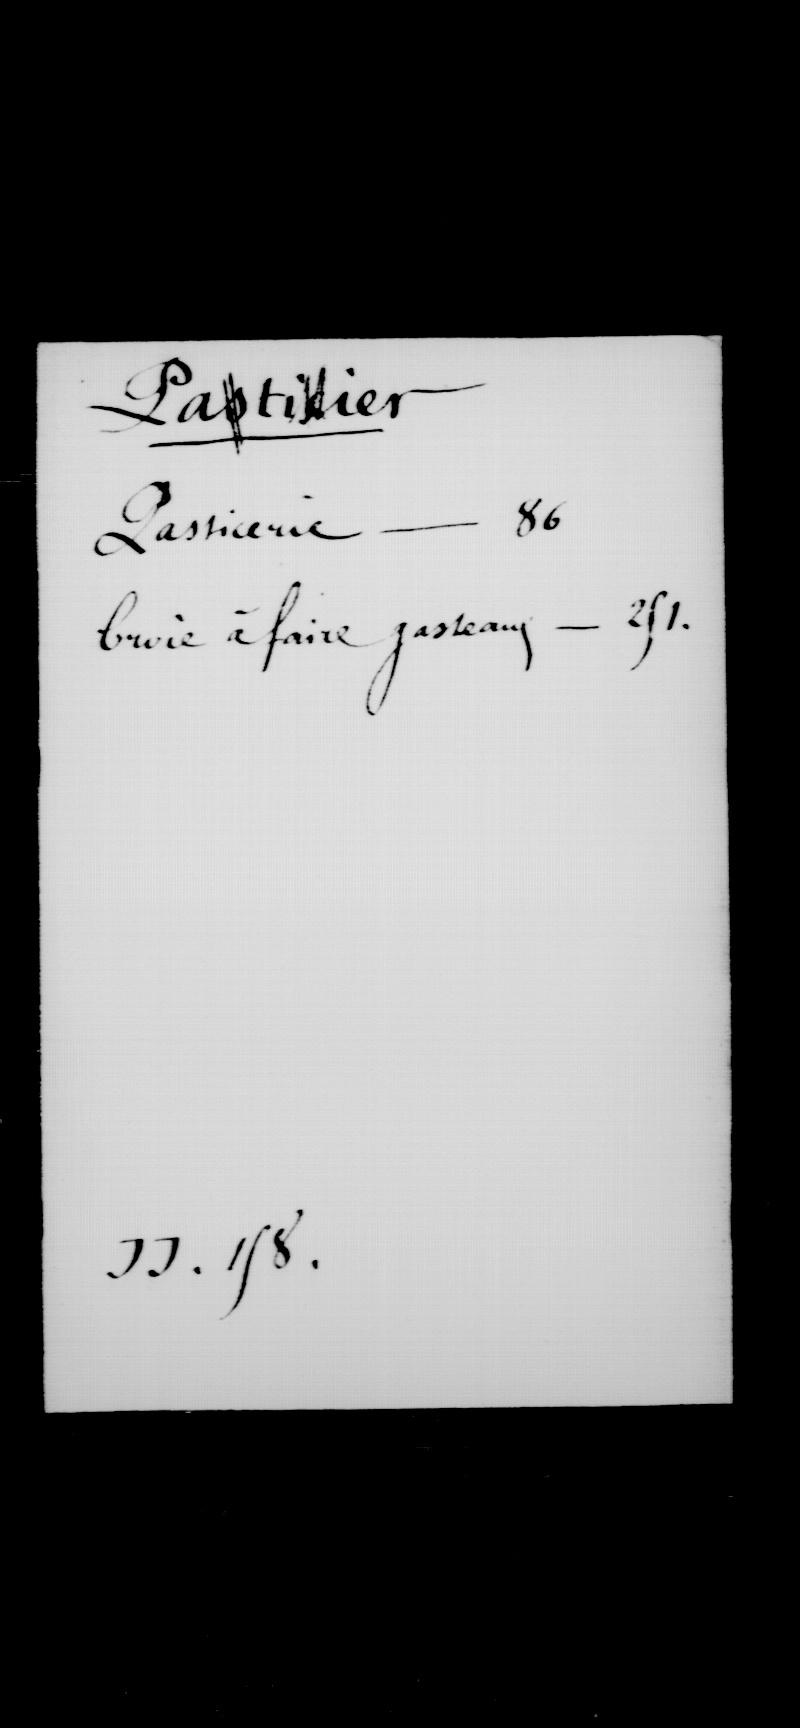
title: Patissier
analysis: Patisserie broie à faire gasteaux
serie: JJ
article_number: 158
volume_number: n° 86, 251
